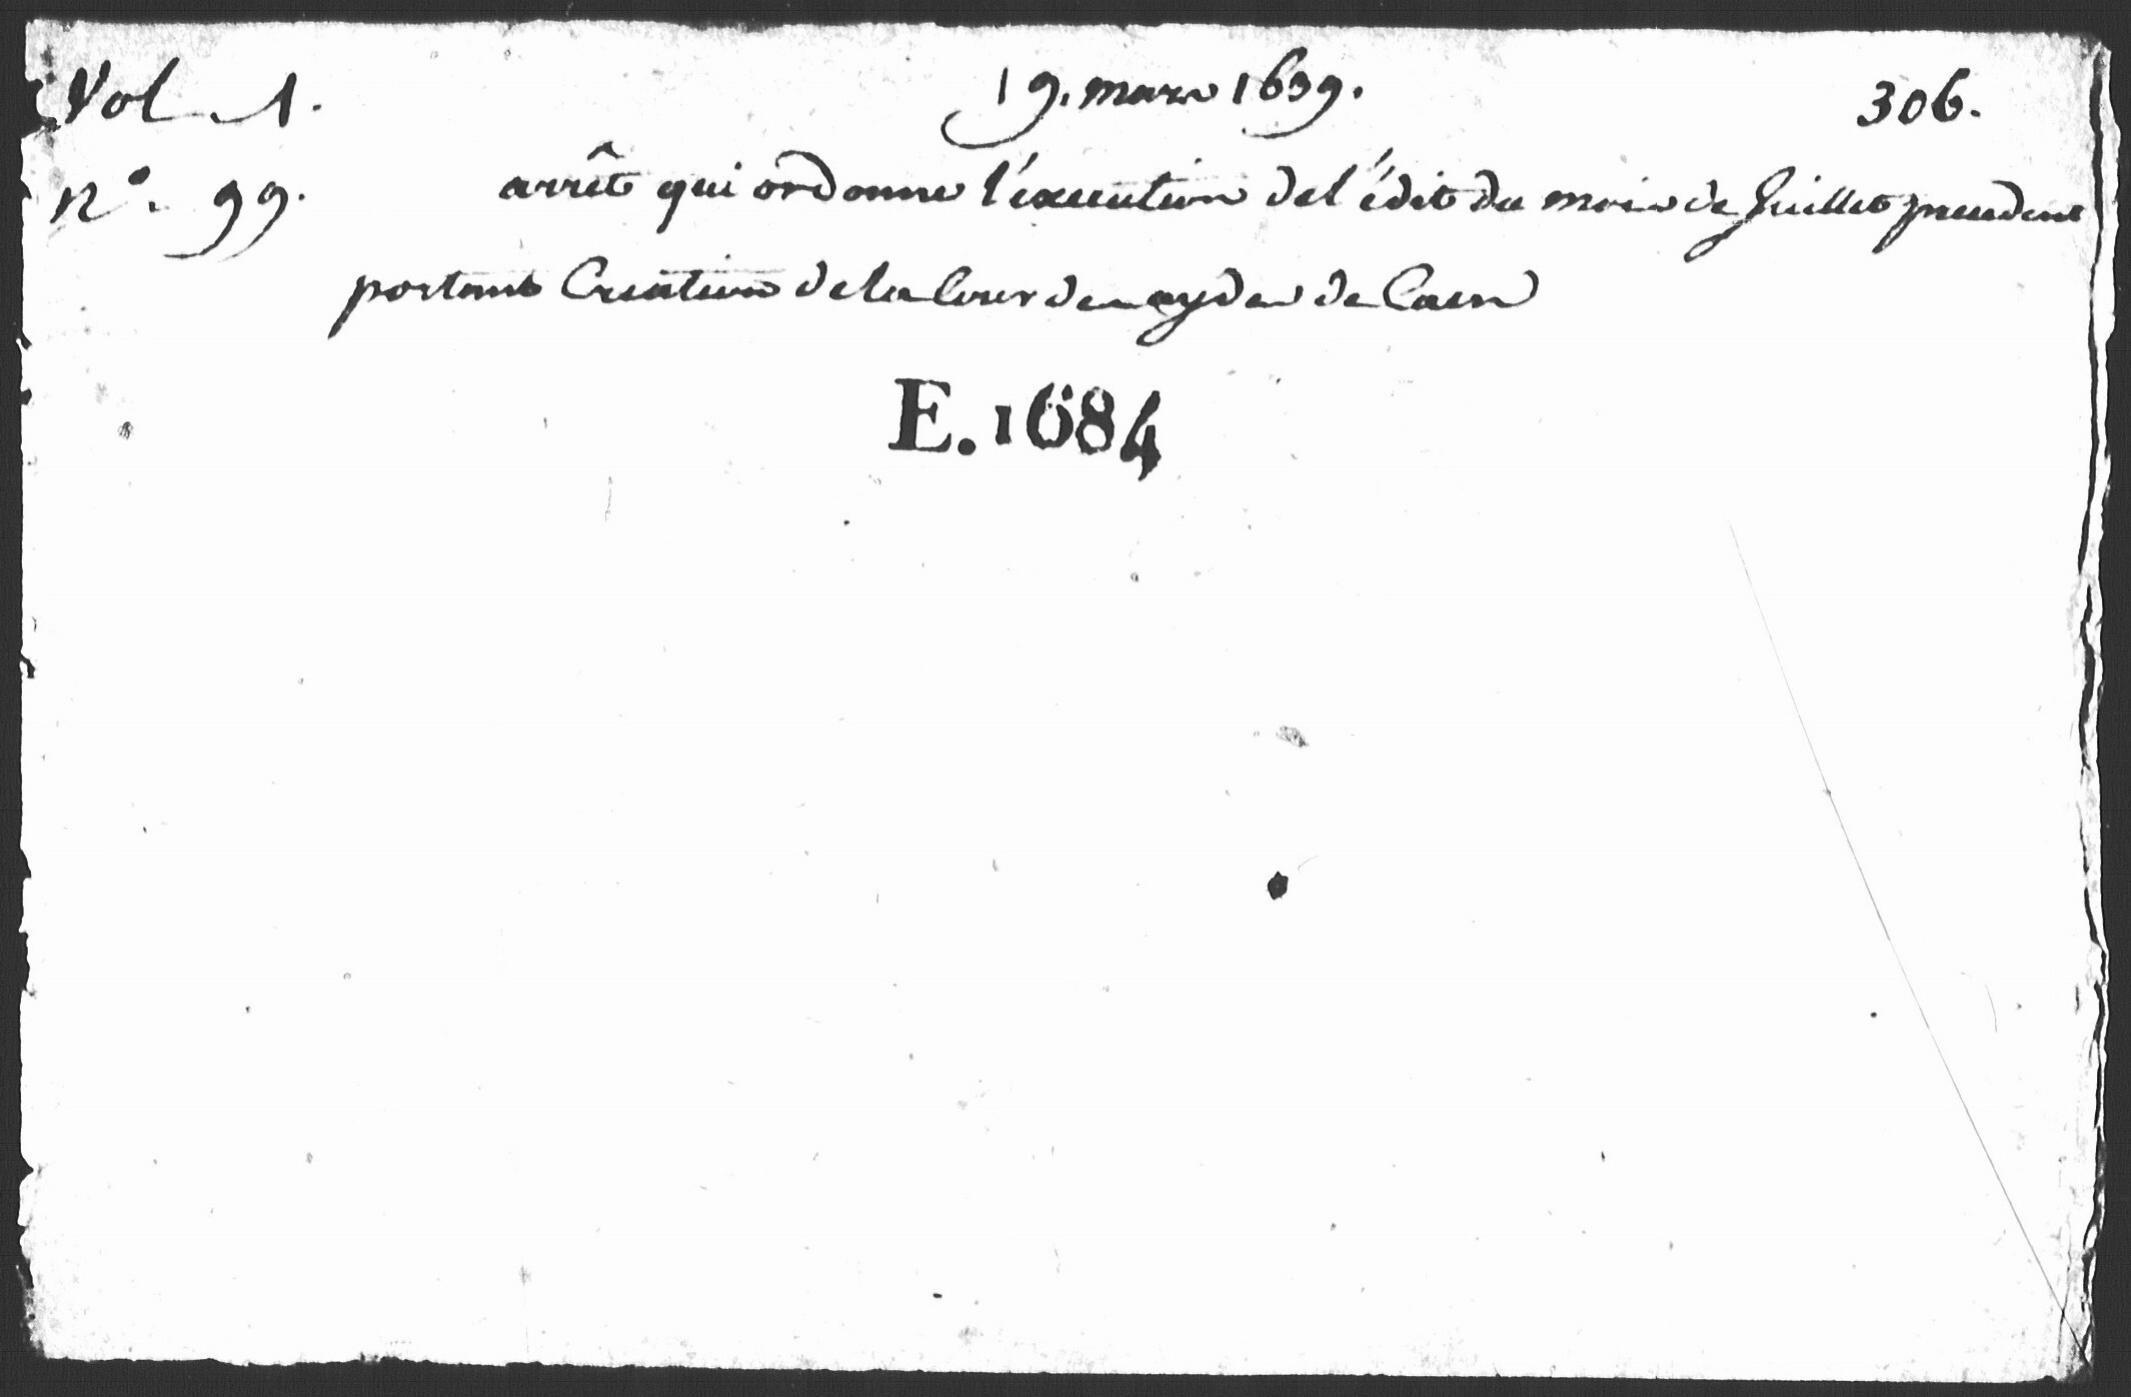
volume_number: n°99
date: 19 mars 1639
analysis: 306.
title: arrêt qui ordonne l'execution de l'edit du mois de juillet precedent portant création de la Cour des aydes de Caen
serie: E
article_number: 1684
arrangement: vol 1.
